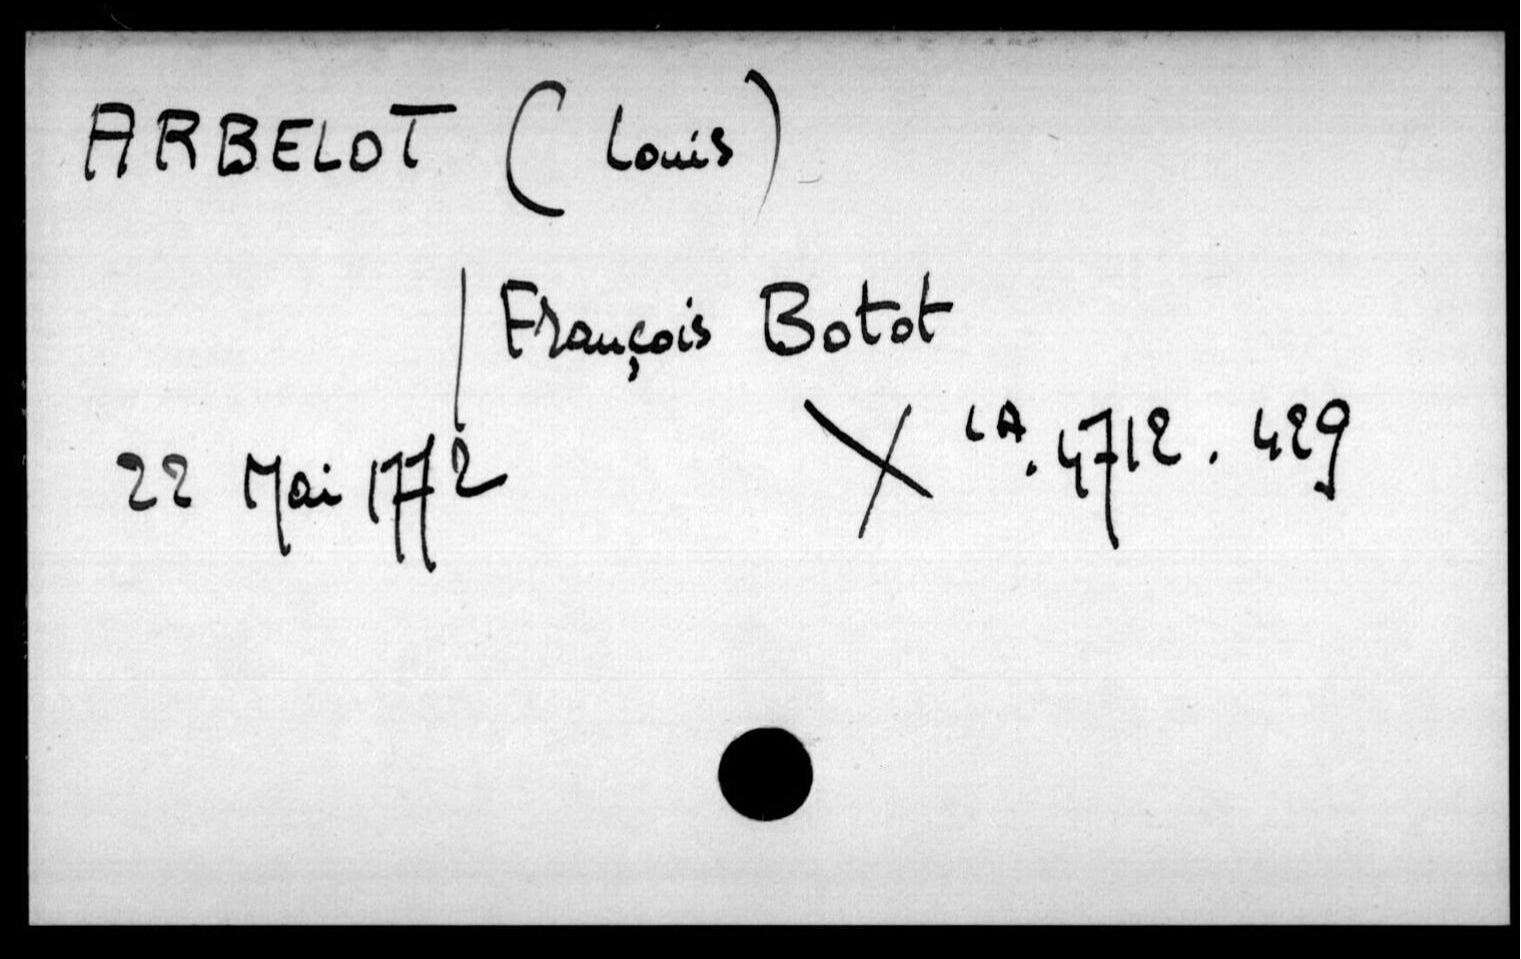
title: ARBELOT (Louis)
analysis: Contre François Botot
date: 22 mai 1772
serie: X1A
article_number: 4712
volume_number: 429
